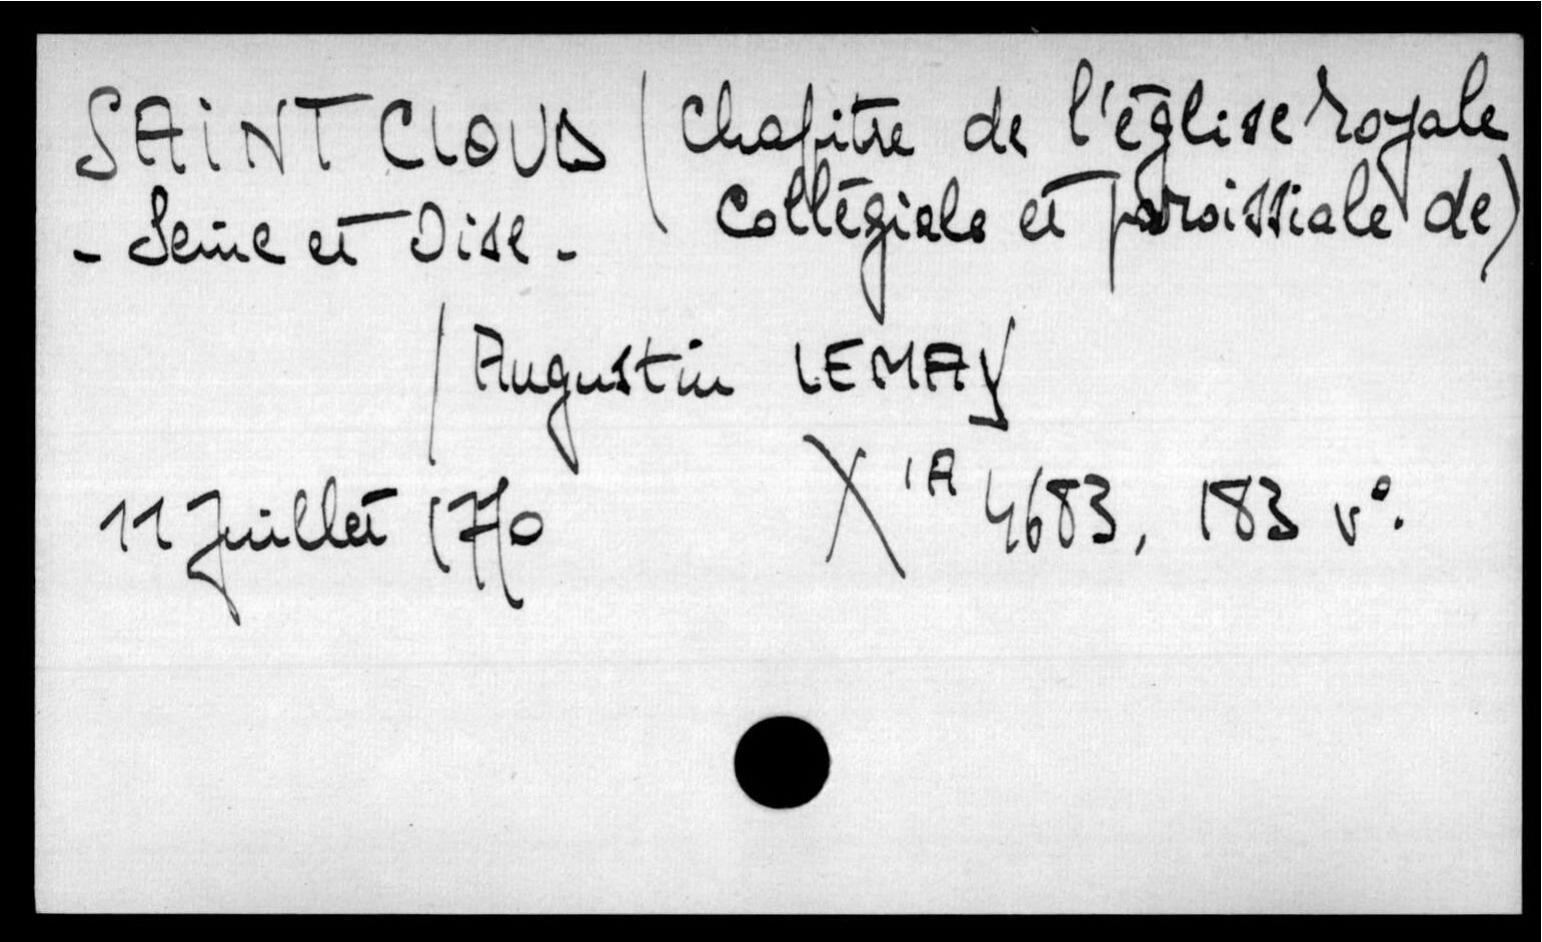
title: SAINT CLOUD (Chapitre de l'église royale Collégiale et paroissiale de - Seine et Oise -
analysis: Contre Augustin LEMAY
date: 11 juillet 1770
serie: X1A
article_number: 4683
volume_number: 183v
